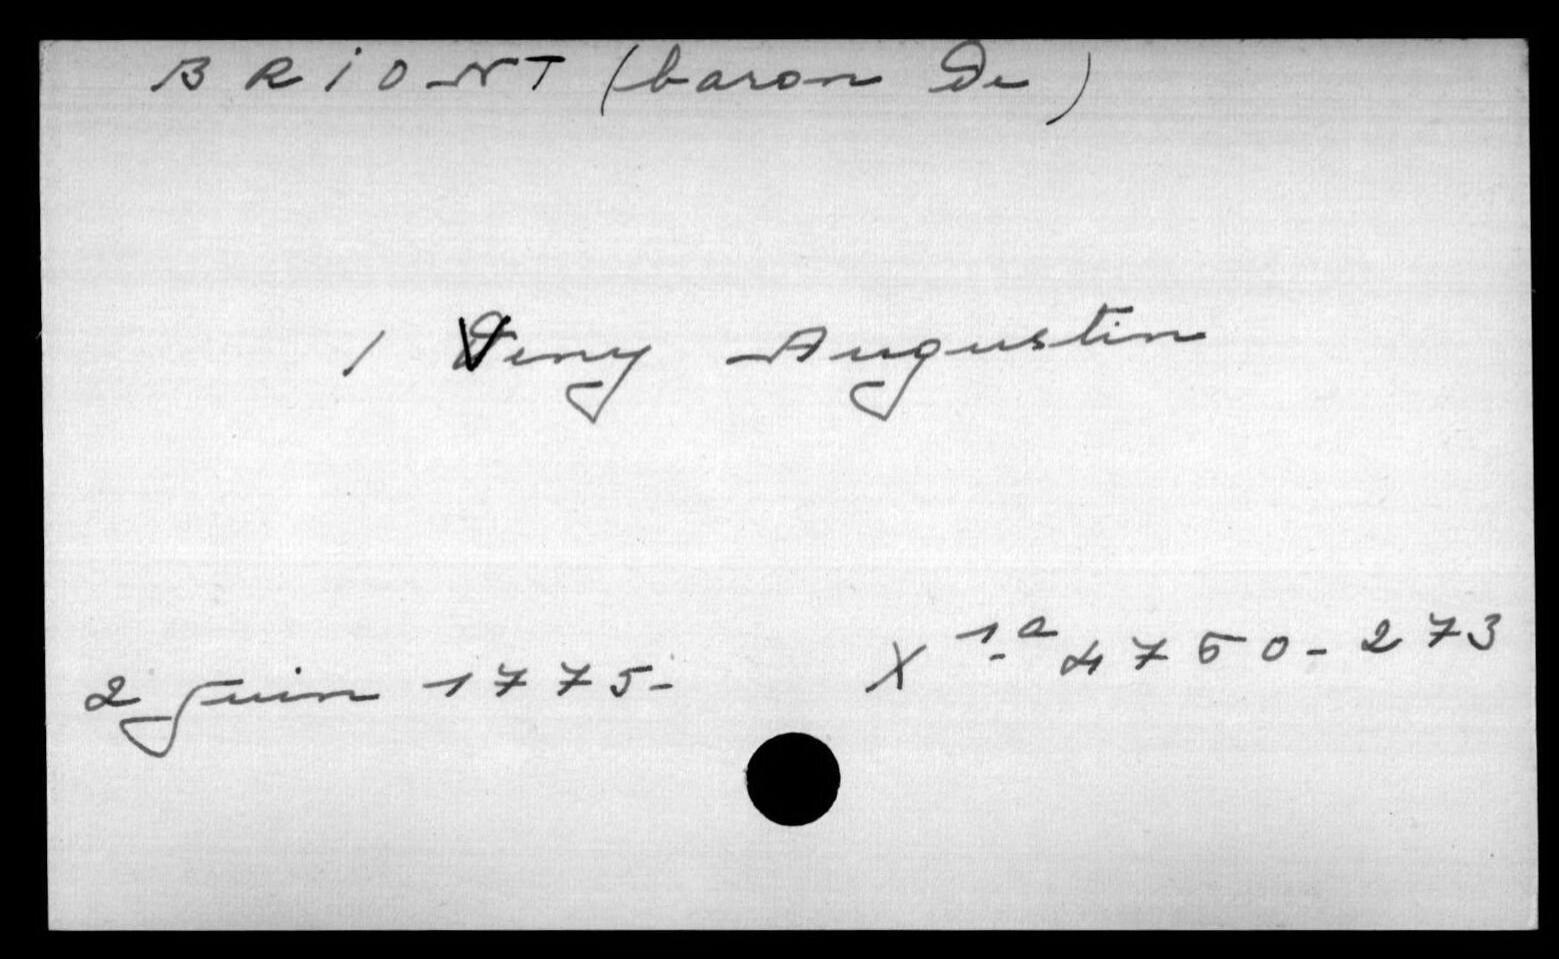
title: BRIONT (baron de)
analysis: Contre Veny Augustin
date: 2 juin 1775
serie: X1A
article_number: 4760
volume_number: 273
